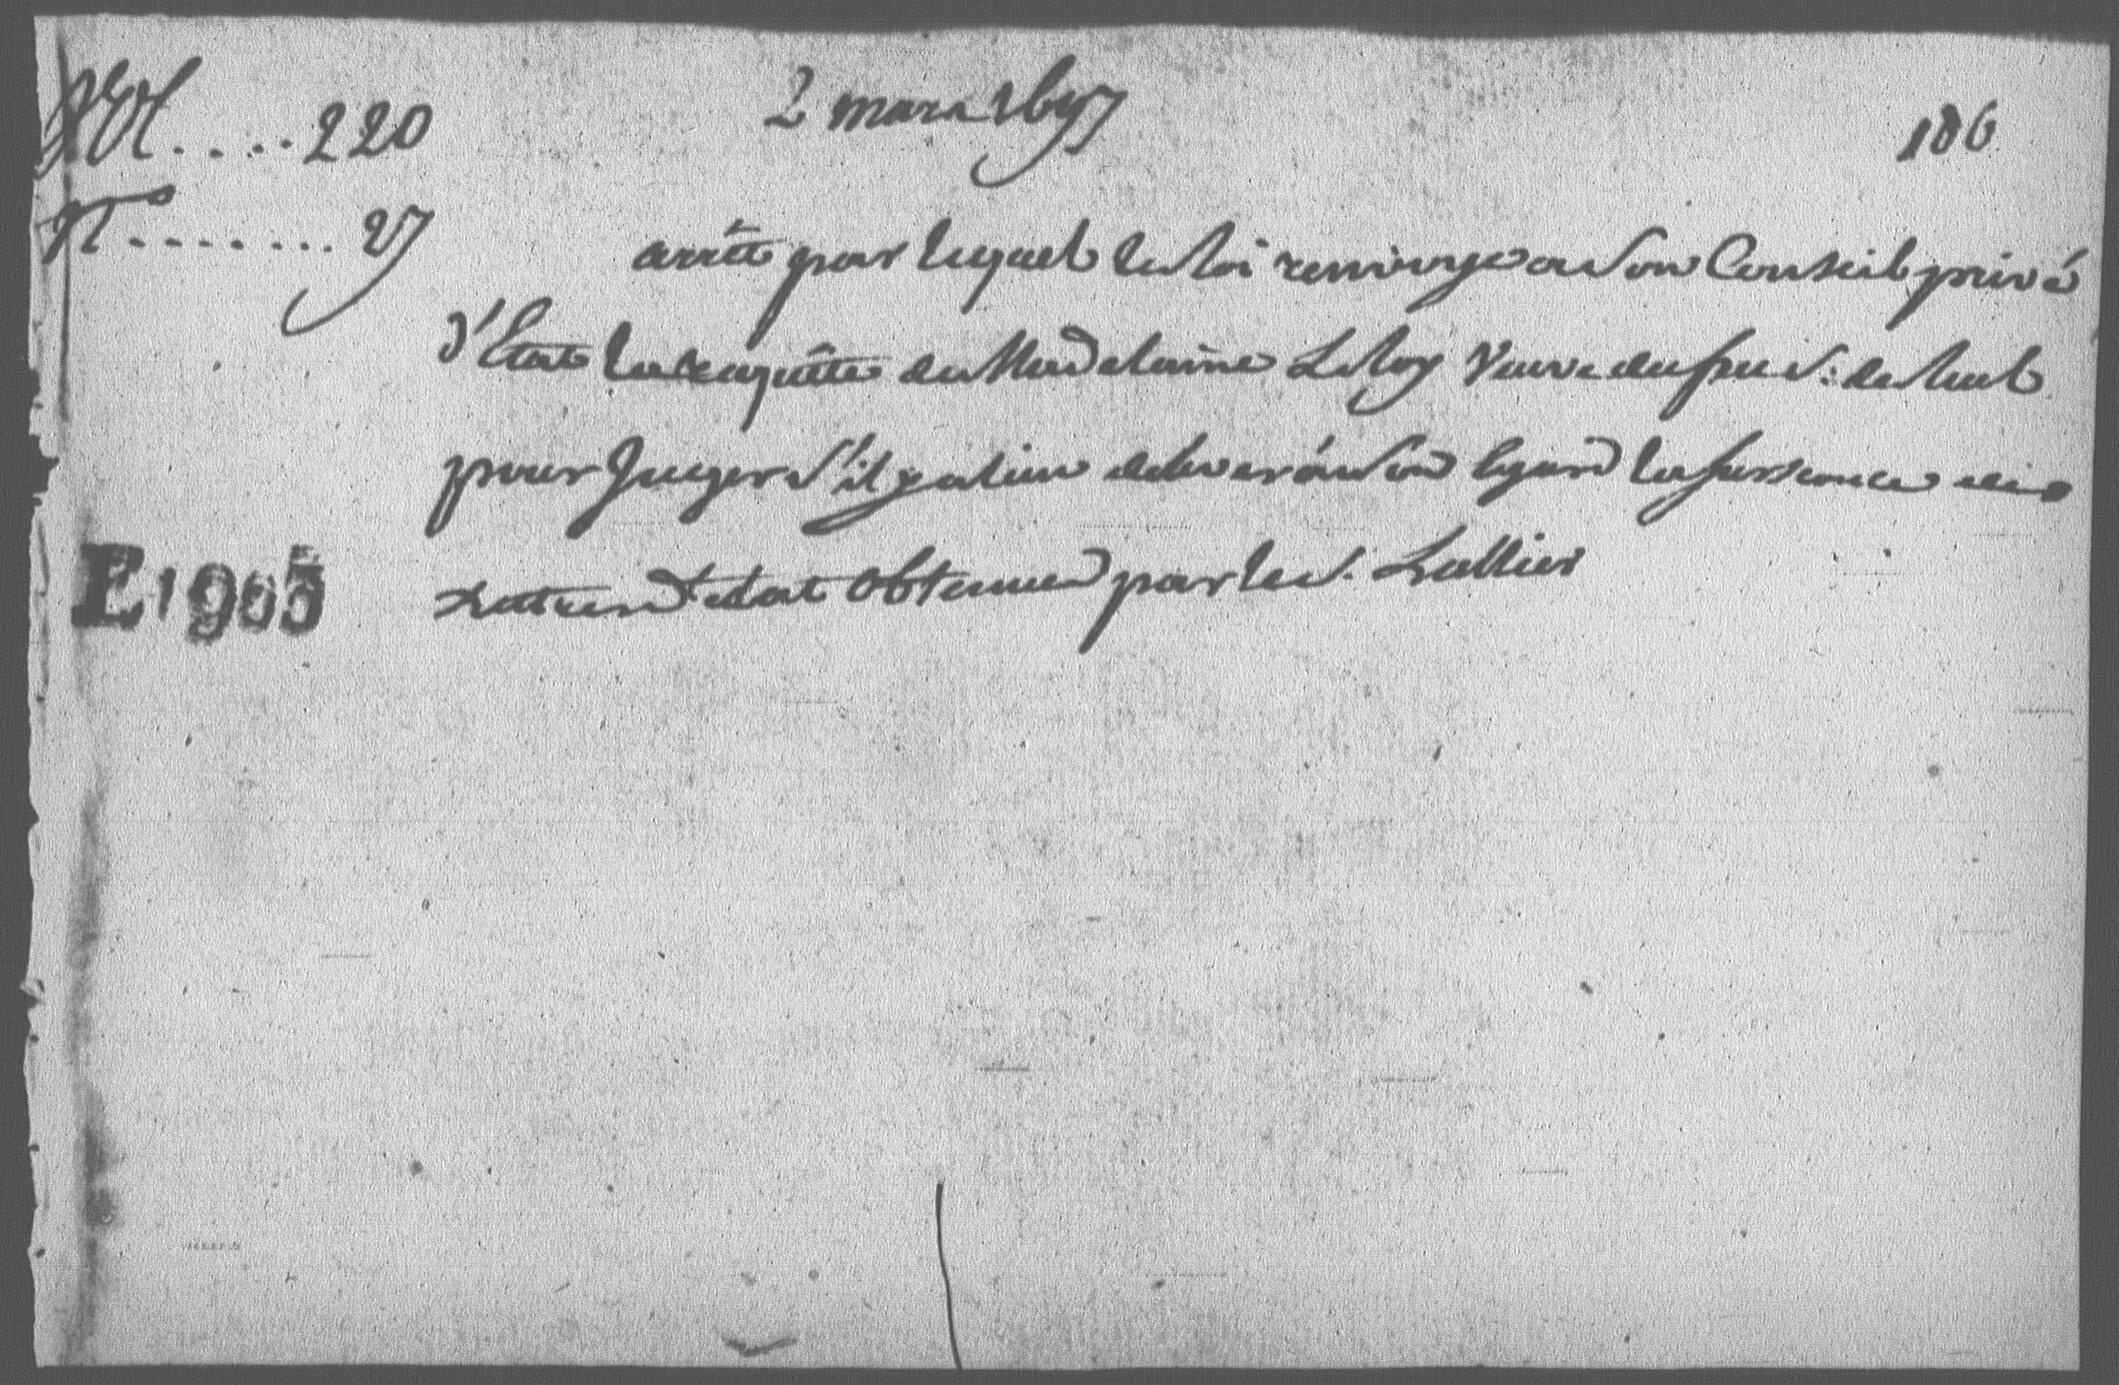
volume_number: n°27
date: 2 mars 1637
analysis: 106
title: arrêt par lequel de Roi renvoye a son Conseil privé d'Etat la requête de Madelaine Le Roy veuve du feu S. de Ruis pour juger s'il y a lieu de lever à son egard la surseance des lettres d'etat obtenues par le S. Lallier
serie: E
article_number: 1903
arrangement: vol. 220
